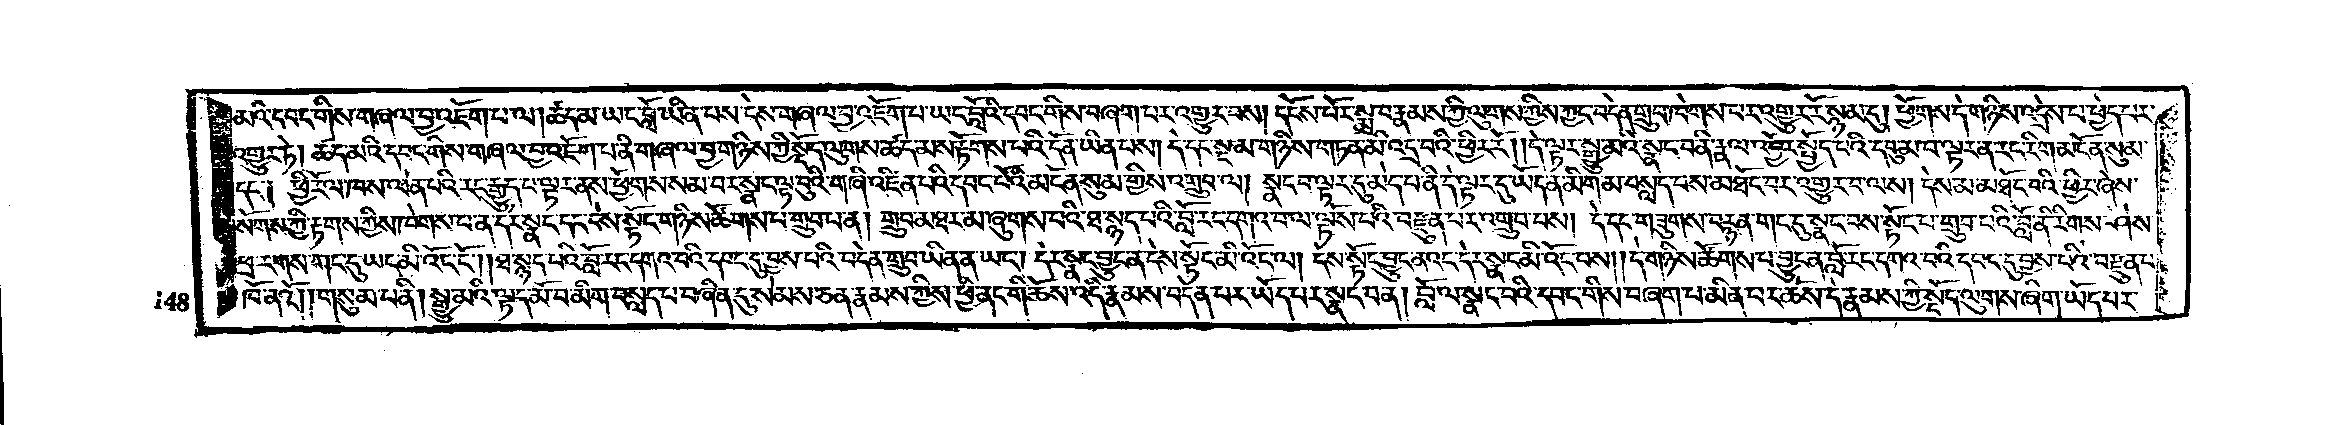མའི་དབང་གིས་གཞལ་བྱ་འཇོག་པ་ལ། ཚད་མ་ཡང་བློ་ཡིན་པས་དེས་གཞལ་བྱ་འཇོག་པ་ཡང་བློའི་དབང་གིས་བཞག་པར་འགྱུར་བས། དངོས་པོར་སྨྲ་བ་རྣམས་ཀྱི་ལུགས་ཀྱིས་ཀྱང་བདེན་གྲུབ་ཁེགས་པར་འགྱུར་རོ་སྙམ་དུ། ཕྱོགས་དེ་གཉིས་འདྲེས་པ་ཕྱེད་པར་
འགྱུར་ཏེ། ཚད་མའི་དབང་གིས་གཞལ་བྱ་འཇོག་པ་ནི་གཞལ་བྱ་གཉིས་ཀྱི་སྡོད་ལུགས་ཚད་མས་རྟོགས་པའི་དོན་ཡིན་པས། དེ་དང་སྔ་མ་གཉིས་གཏན་མི་འདྲ་བའི་ཕྱིར་རོ། །དེ་ལྟར་སྒྱུ་མའི་སྣང་བ་ནི་རྣལ་འབྱོར་སྤྱོད་པའི་དབུ་མ་པ་ལྟར་ན་རང་རིག་མངོན་སུམ་
དང་། ཕྱི་རོལ་ཁས་ལེན་པའི་རང་རྒྱུད་པ་ལྟར་ན་ས་ཕྱོགས་སམ་བར་སྣང་ལྟ་བུའི་གཞི་འཛིན་པའི་དབང་པོའི་མངོན་སུམ་གྱིས་འགྲུབ་ལ། སྣང་བ་ལྟར་དུ་མེད་པ་ནི་དེ་ལྟར་དུ་ཡོད་ན་མིག་མ་བསླད་པས་མཐོང་བར་འགྱུར་བ་ལས། དེས་མ་མཐོང་བའི་ཕྱིར་ཞེས་
སོགས་ཀྱི་རྟགས་ཀྱིས་ཁེགས་པ་ན་དེར་སྣང་དང་དེས་སྟོང་གཉིས་ཚོགས་པ་གྲུབ་པ་ན། གྲུབ་མཐར་མ་ཞུགས་པའི་ཐ་སྙད་པའི་བློ་རང་དགའ་བ་ལ་ལྟོས་པའི་བརྫུན་པར་འགྲུབ་པས། དེ་དང་གཟུགས་བརྙན་གང་དུ་སྣང་བས་སྟོང་པ་གྲུབ་པའི་བློ་ནི་རིགས་ཤེས་
ཕྲ་རགས་གང་དུ་ཡང་མི་འོང་ངོ། །ཐ་སྙད་པའི་བློ་རང་དགའ་བའི་དབང་དུ་བྱས་པའི་བདེན་གྲུབ་ཡིན་ན་ཡང་། དེར་སྣང་བྱུང་ན་དེས་སྟོང་མི་འོང་ལ། དེས་སྟོང་བྱུང་ནའང་དེར་སྣང་མི་འོང་བས། །དེ་གཉིས་ཚོགས་པ་བྱུང་ན་བློ་རང་དགའ་བའི་དབང་དུ་བྱས་པའི་བརྫུན་པ་
ཁོ་ནའོ། །གསུམ་པ་ནི། སྒྱུ་མའི་ལྟད་མོ་བ་མིག་བསླད་པ་བཞིན་དུ་སེམས་ཅན་རྣམས་ཀྱིས་ཕྱི་ནང་གི་ཆོས་འདི་རྣམས་བདེན་པར་ཡོད་པར་སྣང་བ་ན། བློ་ལ་སྣང་བའི་དབང་གིས་བཞག་པ་མིན་པར་ཆོས་དེ་རྣམས་ཀྱི་སྡོད་ལུགས་ཞིག་ཡོད་པར་